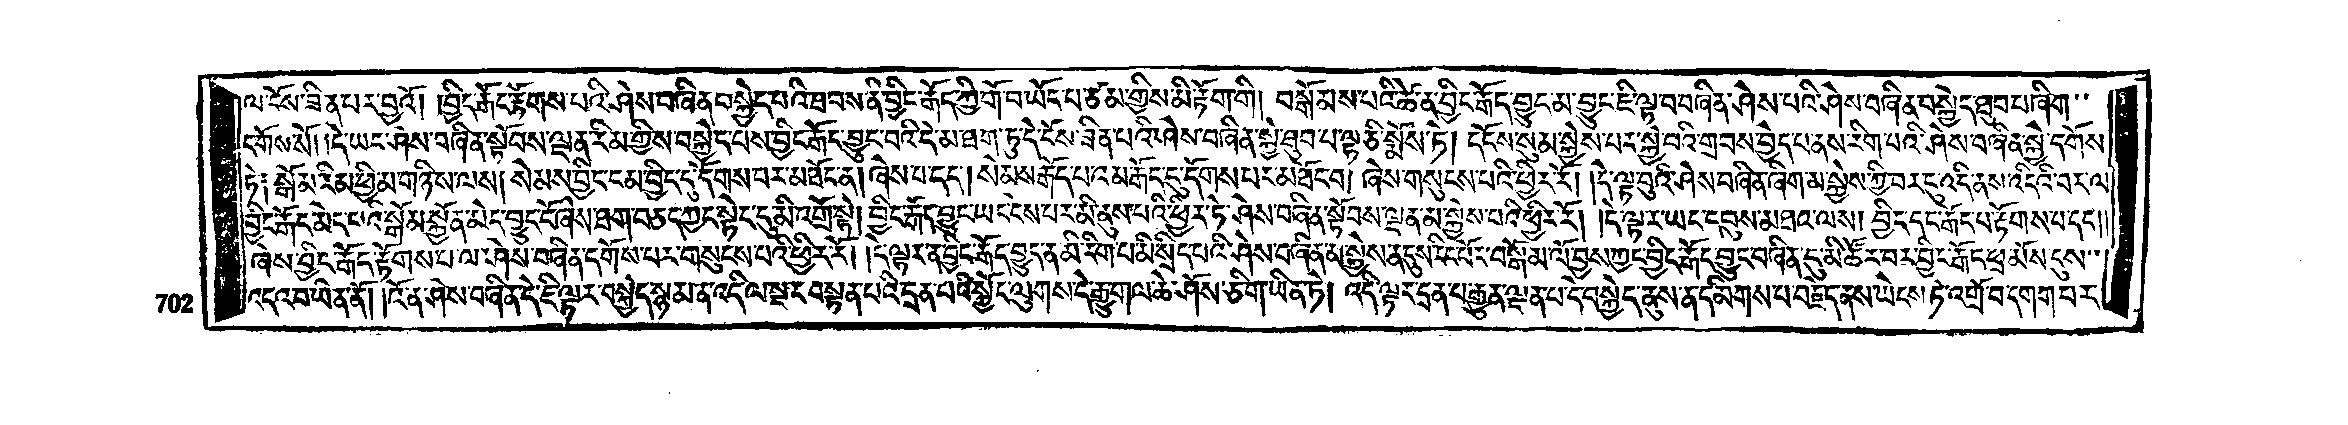ལ་ངོས་ཟིན་པར་བྱའོ། །བྱིང་རྒོད་རྟོགས་པའི་ཤེས་བཞིན་བསྐྱེད་པའི་ཐབས་ནི་བྱིང་རྒོད་ཀྱི་གོ་བ་ཡོད་པ་ཙམ་གྱིས་མི་ཆོག་གི། བསྒོམས་པའི་ཚེ་ན་བྱིང་རྒོད་བྱུང་མ་བྱུང་ཇི་ལྟ་བ་བཞིན་ཤེས་པའི་ཤེས་བཞིན་བསྐྱེད་ཐུབ་པ་ཞིག་
དགོས་སོ། །དེ་ཡང་ཤེས་བཞིན་སྟོབས་ལྡན་རིམ་གྱིས་བསྐྱེད་པས་བྱིང་རྒོད་བྱུང་བའི་དེ་མ་ཐག་ཏུ་དེ་ངོས་ཟིན་པའི་ཤེས་བཞིན་སྐྱེ་ཐུབ་པ་ལྟ་ཅི་སྨོས་ཏེ། དངོས་སུ་མ་སྐྱེས་པར་སྐྱེ་བའི་གྲབས་བྱེད་པ་ནས་རིག་པའི་ཤེས་བཞིན་སྐྱེ་དགོས་
ཏེ༑ སྒོམ་རིམ་ཕྱི་མ་གཉིས་ལས། སེམས་བྱིང་ངམ་བྱིང་དུ་དོགས་པར་མཐོང་ན། ཞེས་པ་དང་། སེམས་རྒོད་པའམ་རྒོད་དུ་དགོས་པར་མཐོང་བ། ཞེས་གསུངས་པའི་ཕྱིར་རོ། །དེ་ལྟ་བུའི་ཤེས་བཞིན་ཞིག་མ་སྐྱེས་ཀྱི་བར་དུ་འདི་ནས་འདིའི་བར་ལ་
བྱིང་རྒོད་མེད་པའི་སྒོམ་སྐྱོན་མེད་བྱུང་ངོ་ཞེས་ཐག་བཅད་ཀྱང་སྟེང་དུ་མི་འགྲོ་སྟེ། བྱིང་རྒོད་བྱུང་ཡང་ངེས་པར་མི་ནུས་པའི་ཕྱིར་ཏེ་ཤེས་བཞིན་སྟོབས་ལྡན་མ་སྐྱེས་པའི་ཕྱིར་རོ། །དེ་ལྟར་ཡང་དབུས་མཐའ་ལས། བྱིང་དང་རྒོད་པ་རྟོགས་པ་དང་། །
ཞེས་བྱིང་རྒོད་རྟོགས་པ་ལ་ཤེས་བཞིན་དགོས་པར་གསུངས་བའི་ཕྱིར་རོ། །དེ་ལྟར་ན་བྱིང་རྒོད་བྱུང་ན་མི་རིག་པ་མི་སྲིད་པའི་ཤེས་བཞིན་མ་སྐྱེས་ན་དུས་རིང་བོར་བསྒོམ་ལོ་བྱས་ཀྱང་བྱིང་རྒོད་བྱུང་བཞིན་དུ་མི་ཚོར་བར་བྱིང་རྒོད་ཕྲ་མོས་དུས་
འདའ་བ་ཡིན་ནོ། །འོ་ན་ཤེས་བཞིན་དེ་ཇི་ལྟར་བསྐྱེད་སྙམ་ན་འདི་ལ་སྔར་བསྟན་པའི་དྲན་པའི་སྐྱོང་ལུགས་དེ་རྒྱུ་གལ་ཆེ་ཤོས་ཅིག་ཡིན་ཏེ། །འདི་ལྟར་དྲན་པ་རྒྱུན་ལྡན་པ་དེ་བསྐྱེད་ནུས་ན་དམིགས་པ་བརྗོད་ནས་ཡེངས་ཏེ་འགྲོ་བ་དགག་པར་